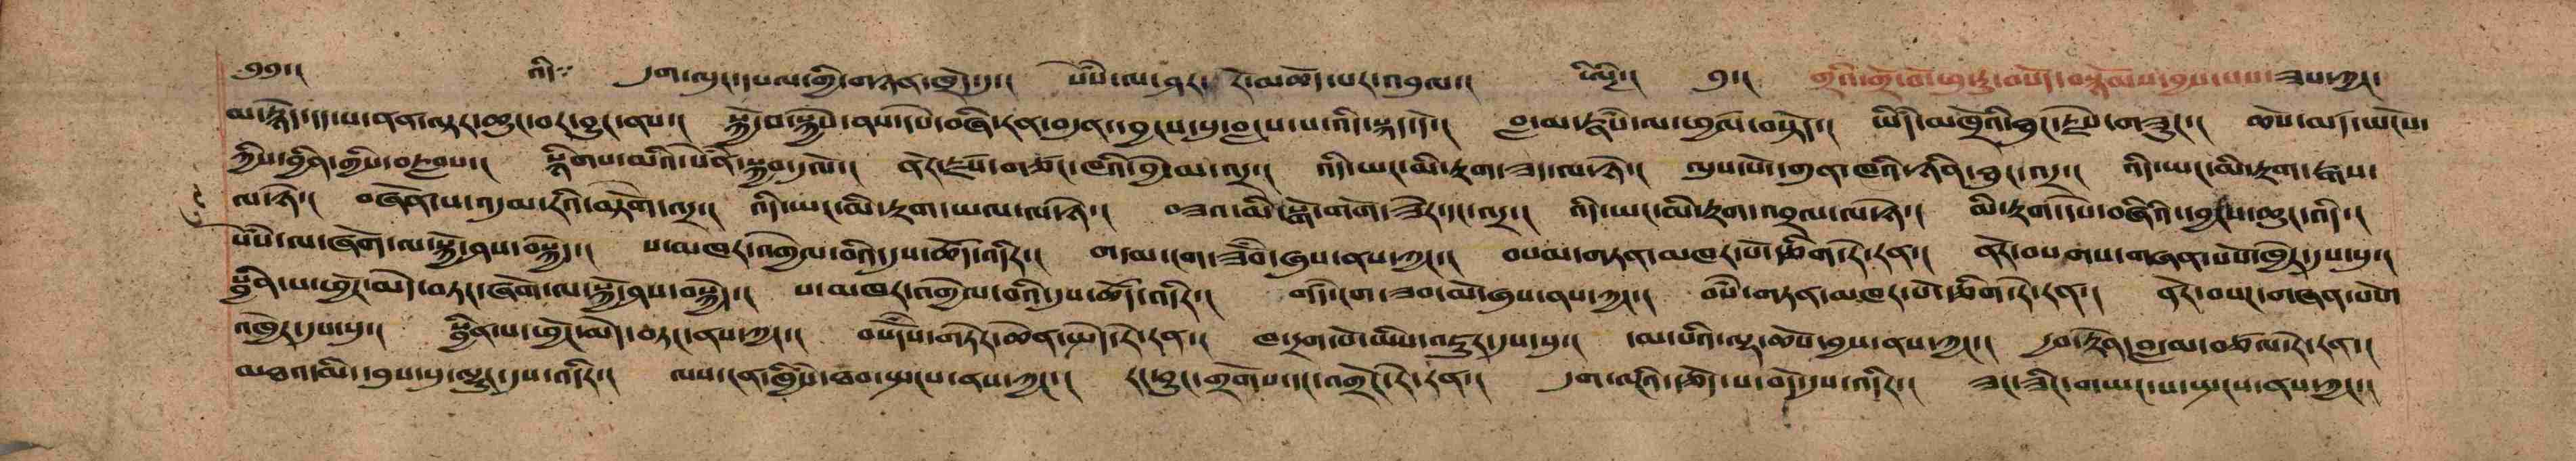༄༅་། འདི༑ དུག་ལུང་དཔལ་གྱི་གཉན་ཁྲོད་དུ། སེམས་ལ་ཤར་རོ་མཆོད་པར་འབུལ། ཨིཊི། ༄་། གྲའི་གྲོ་བོ་ཕུ་རུ་བསོད་བསྙོམས་བྱས་པས་ཟས་ཀྱང་
མ་རྙེད་དད་པ་ནན་ལྟར་ཆུང་བར་བྱུང་ནས། སྐྱོ་བ་སྐྱེས་ནས་དཔེ་བཞི་རན་བདུན་བྱངས་སུ་བླངས་པ་འདི་སྐད་དོ། བླ་མ་རྣམས་ལ་ཕྱལ་འཚལ་བསྟོད། ཡིད་དམ་མཁའ་འགྲོའི་ཐུགས་རྗེས་གཟུང་། ཆོས་མཛད་ཡོངས་
ཀྱིས་བྱིན་གྱིས་བརླབས། སྙིགས་མའི་སེམས་ཅན་སྐྱབ་དུ་གསོལ། ནོར་རྫས་གཙང་ཁའི་བྱེ་མ་འདྲ། འདི་ཡང་མི་རྟག་ཟད་ལ་ཉེ། ལུས་པོ་དགུན་ཁའི་ཉིན་ཐུང་འདྲ། འདི་ཡང་མི་རྟག་རྒས་
ལ་ཉེ། བཞོན་པ་འདུམ་རའི་མེ་ཏོག་འདྲ། འདི་ཡང་མི་རྟག་ཡལ་ལ་ཉེ། བཟའ་མི་སྒོ་གོག་ཟེར་དང་འདྲ། འདི་ཡང་མི་རྟག་འབྲལ་ལ་ཉེ། མི་རྟག་དཔེ་བཞིའི་དབྱངས་ཆུང་འདི། 
སེམས་ལ་ཞོག་ལ་སྐྱོ་ཤས་བསྐྱེད། ས་མཁར་འགྱེལ་བའི་དུས་ཚོད་འདིར། གདམ་ངག་ཟབ་མོ་ཞུས་ནས་ཀྱང་། བསམ་གཏན་མཁར་པོ་རྩིག་རེ་རན། ནོར་བསགས་གཞན་པོས་ཁྱེར་དུས་སུ། 
སྦྱིན་པ་ཕྱོགས་མེད་བཏང་ཞོག་ལ་སྐྱོ་ཤས་བསྐྱེད། ས་མཁར་འགྱེལ་བའི་དུས་ཚོད་འདིར། གདམ་ངག་ཟབ་མོ་གུས་ནས་ཀྱང་། བསམ་གཏན་མཁར་པོ་རྩིག་རེ་རན། ནོར་བསགས་གཞན་པོས་
འཁྱེར་དུས་སུ། སྦྱིན་པ་ཕྱོགས་མེད་བཏང་ནས་ཀྱང་། བསོད་ནམས་གཏེར་ཆེན་སྤོད་རེ་རན། ཁ་དྲག་པོ་ཡིས་འཇུག་དུས་སུ། དམ་པའི་ལྷ་ཆོས་བྱས་ནས་ཀྱང་། རྒྱབ་རྟེན་བླ་མ་བཙལ་རེ་རན། 
མཐའ་མི་དབུས་སུ་ལྷུང་དུས་འདིར། ལས་ངན་ཁྱིམས་ཐབ་སྤངས་ནས་ཀྱང་། རང་བྱུང་གྲོགས་དང་འགྲོགས་རེ་རན། དུག་ལྔའི་རྩོད་པ་བདེ་དུས་འདིར། ཟང་ཟིང་གཡང་ས་སྤངས་ནས་ཀྱང་།